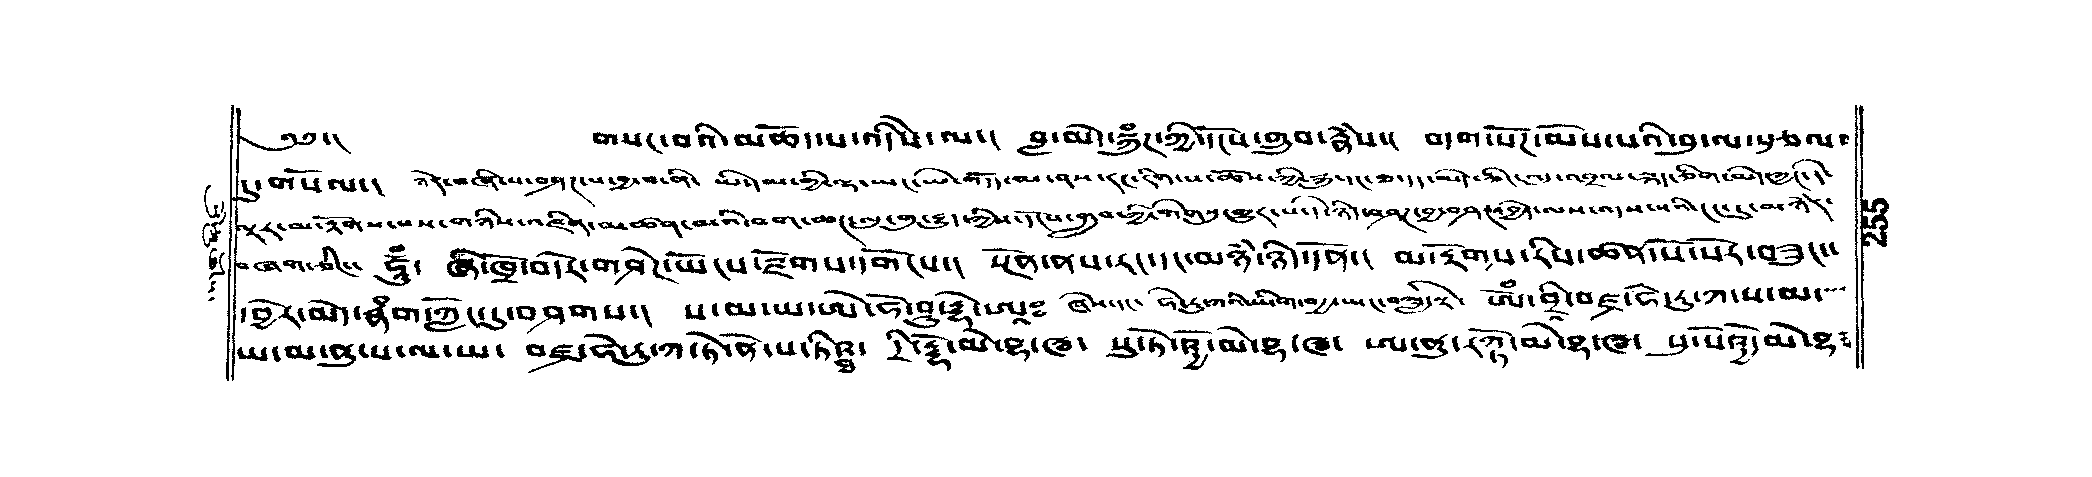གསང་བའི་མཆོད་པ་འདི་བཞེས་ལ། །བླ་མེད་སྐུ་གསུང་ཐུགས་ཀྱི་དངོས་གྲུབ་རྣམས། །བདག་སོགས་མོས་པའི་བུ་ལ་སྩལ་
དུ་གསོལ། ། ཉེར་བཞི་པ་བཤགས་པ་བྱ་བ་ནི། ཡི་དམ་གྱི་ལྷ་ཡང་ཡེ་གདོད་་ནས་རང་རིག་ཆོས་ཀྱི་སྐུ་དང་ཐ་དད་མེ་དཅིང་འདུ་འབྲལ་སྐད་ཅིག་མེད་ཀྱང་དེ་
ལྟར་མ་རྟོགས་པས་གཉིས་འཛིན་མཚན་མའི་བག་ཆགས་ལུ་གུ་རྒྱུད་ཀྱིས་དངོས་གྲུབ་ཀྱི་གེགས་སུ་གྱུར་པ་དེ་ཉིད་བཤགས་བྱ་བཤགས་བྱེད་ལས་འདས་པའི་ངང་དུ་མཉམ་པར་
བཞག་ཅིང་། ཧཱུྃ། ཞི་ཁྲོ་བདེར་གཤེགས་ཡོངས་རྫོགས་དགོངས། །སྔོན་ནས་རང་དང་མཉམ་ཉིད་དོན། །མ་རྟོགས་རིས་ཆེན་སོ་སོར་བཟུང་། །
དབྱེར་མེད་རྣམ་དག་ཀློང་དུ་བཤགས། །ས་མ་ཡ་ཨེ་ཧེ་ཤུདྡྷྲེ་ཨཱཿ ཞེས་ཧེ་རུ་ཀའི་ཡིག་བརྒྱ་ཡང་བཟླ་སྟེ། ཨོཾ་ཤྲཱི་བཛྲ་ཧེ་རུ་ཀ་ས་མ་
ཡ་མ་ནུ་པ་ལ་ཡ། བཛྲ་ཧེ་རུ་ཀ་ཏེནོ་པ་ཏིཥྠ། དྲི་དྡྷོ་མེ་བྷ་ཝ། སུ་ཏོ་རྱོ་མེ་བྷ་ཝ། ཨ་ནུ་རཀྟོ་མེ་བྷ་ཝ། སུ་པོ་རྱོ་མེ་བྷ་